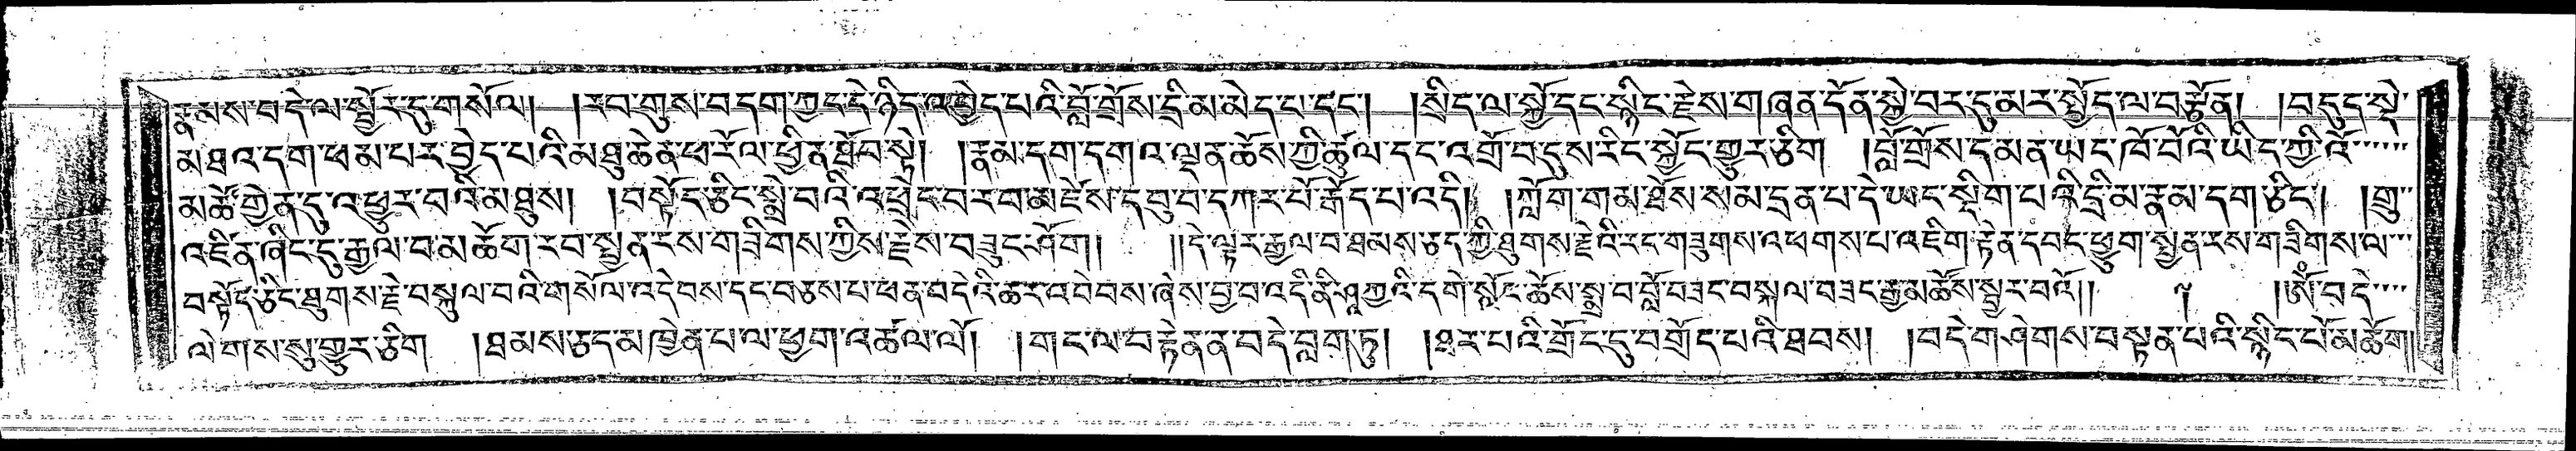རྣམས་བདེ་ལ་སྦྱོར་དུ་གསོལ། །རབ་གུས་བདག་ཀྱང་དེ་ཉིད་འབྱེད་པའི་བློ་གྲོས་དྲི་མ་མེད་པ་དང་། །སྲིད་ལ་སྐྱོ་དང་སྙིང་རྗེས་གཞན་དོན་སྐྱེ་བར་དུ་མར་སྤྱོད་ལ་བརྩོན། །བདུད་སྡེ་
མཐའ་དག་ཕམ་པར་བྱེད་པའི་མཐུ་ཆེན་ཕ་རོལ་ཕྱིན་ཐོབ་སྟེ། །རྣམ་དག་དགའ་ལྡན་ཆོས་ཀྱི་ཚུལ་དང་འགྲོ་བ་དུས་རིང་སྐྱོང་གྱུར་ཅིག །བློ་གྲོས་དམན་ཡང་ཁོ་བོའི་ཡིད་ཀྱི་འོ་
མཚོ་གྱེན་དུ་འཕྱུར་བའི་མཐུས། །བསྟོད་ཅིང་སྨྲེ་བའི་འཕྲེང་བ་རབ་མཛེས་དབུ་བ་དཀར་པོ་རྒོད་པ་འདི། །ཀློག་གམ་ཐོས་སམ་དྲན་པ་དེ་ཡང་སྡིག་པའི་དྲི་མ་རྣམ་དག་ཅིང་། །གྲུ་
འཛིན་ཞིང་དུ་རྒྱལ་བ་མཆོག་རབ་སྤྱན་རས་གཟིགས་ཀྱིས་རྗེས་བཟུང་ཤོག། །།དེ་ལྟར་རྒྱལ་བ་ཐམས་ཅད་ཀྱི་ཐུགས་རྗེའི་རང་གཟུགས་འཕགས་པ་འཇིག་རྟེན་དབང་ཕྱུག་སྤྱན་རས་གཟིགས་ལ་
བསྟོད་ཅིང་ཐུགས་རྗེ་བསྐུལ་བའི་གསོལ་འདེབས་དང་བཅས་པ་ཕན་བདེའི་ཆར་འབེབས་ཞེས་བྱ་བ་འདི་ནི་ཤཱཀྱའི་དགེ་སློང་ཆོས་སྨྲ་བ་བློ་བཟང་བསྐལ་བཟང་རྒྱ་མཚོས་སྦྱར་བའོ།། ༈ །ཨོཾ་བདེ་
ལེགས་སུ་གྱུར་ཅིག །ཐམས་ཅད་མཁྱེན་པ་ལ་ཕྱག་འཚལ་ལོ། །གང་ལ་བརྟེན་ན་བདེ་བླག་ཏུ། །ཐར་བའི་གྲོང་དུ་བགྲོད་པའི་ཐབས། །བདེ་གཤེགས་བསྟན་པའི་སྙིང་པོ་མཆོག།